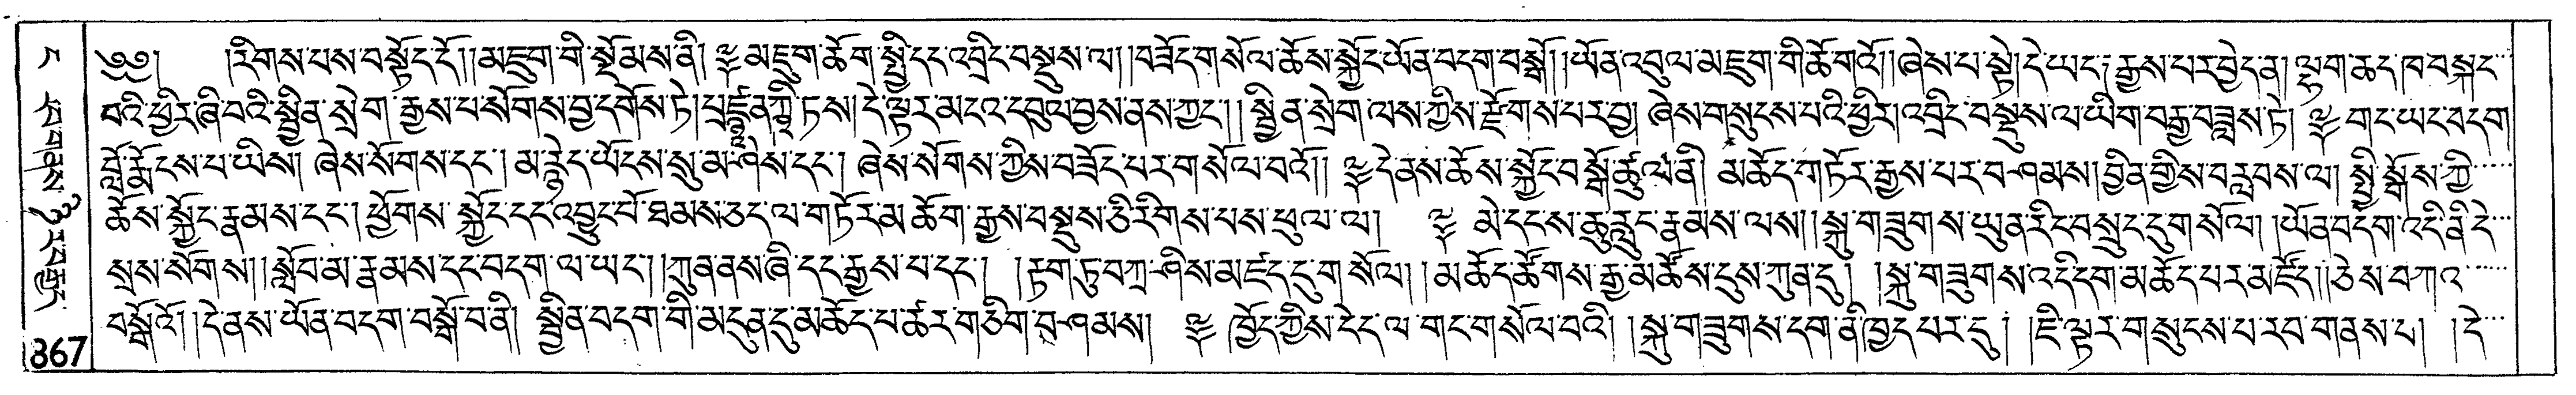༄༅། །རིགས་པས་བསྟོད་དོ། །མཇུག་གི་སྡོམས་ནི། ༈ མཇུག་ཆོག་སྤྱི་དང་འབྲིང་བསྡུས་ལ། །བཟོད་གསོལ་ཆོས་སྐྱོང་ཡོན་བདག་བསྒོ། །ཡོན་འབུལ་མཇུག་གི་ཆོ་གའོ། །ཞེས་པ་སྟེ། དེ་ཡང༑ རྒྱས་པར་བྱེད་ན། ལྷག་ཆད་ཁ་བསྐང་
བའི་ཕྱིར་ཞི་བའི་སྦྱིན་སྲེག་རྒྱས་པ་སོགས་བྱ་དགོས་ཏེ། པྲཛྙཱ་ནཀྵི་ཏས། དེ་ལྟར་མངའ་དབུལ་བྱས་ནས་ཀྱང་། །སྦྱིན་སྲེག་ལས་ཀྱིས་རྫོགས་པར་བྱ། ཞེས་གསུངས་པའི་ཕྱིར། འབྲིང་བསྡུས་ལ་ཡིག་བརྒྱ་བཟླས་ཏེ། ༈ གང་ཡང་བདག་
བློ་རྨོངས་པ་ཡིས། ཞེས་སོགས་དང་། མ་རྙེད་ཡོངས་སུ་མ་ཤེས་དང་། ཞེས་སོགས་ཀྱིས་བཟོད་པར་གསོལ་བའོ།། ༈ དེ་ནས་ཆོས་སྐྱོང་བསྒོ་ཚུལ་ནི། མཆོད་གཏོར་རྒྱས་པར་བཤམས། བྱིན་གྱིས་བརླབས་ལ། སྤྱི་སྒོས་ཀྱི་
ཆོས་སྐྱོང་རྣམས་དང་། ཕྱོགས་སྐྱོང་དང་འབྱུང་པོ་ཐམས་ཅད་ལ་གཏོར་མཆོག་རྒྱས་བསྡུས་ཅི་རིགས་པས་ཕུལ་ལ། ༈ མེ་དང་ས་ཆུ་རླུང་རྣམས་ལས། །སྐུ་གཟུགས་ཡུན་རིང་བསྲུང་དུ་གསོལ། །ཡོན་བདག་འདི་ནི་དེ་
སྲས་སོགས། །སློབ་མ་རྣམས་དང་བདག་ལ་ཡང་། །ཀུན་ནས་ཞི་དང་རྒྱས་པ་དང་། །རྟག་ཏུ་བཀྲ་ཤིས་མཛད་དུ་གསོལ། །མཆོད་ཚོགས་རྒྱ་མཚོས་དུས་ཀུན་དུ། །སྐུ་གཟུགས་འདི་དག་མཆོད་པར་མཛོད། །ཅེས་བཀའ་
བསྒོའོ། །དེ་ནས་ཡོན་བདག་བསྒོ་བ་ནི། སྦྱིན་བདག་གི་མདུན་དུ་མཆོད་པ་ཚར་གཅིག་བཤམས། ༈ ཁྱོད་ཀྱིས་ངེད་ལ་གང་གསོལ་བའི། །སྐུ་གཟུགས་དག་ནི་ཁྱད་པར་དུ། །ཇི་ལྟར་གསུངས་པ་རབ་གནས་པ། །དེ་